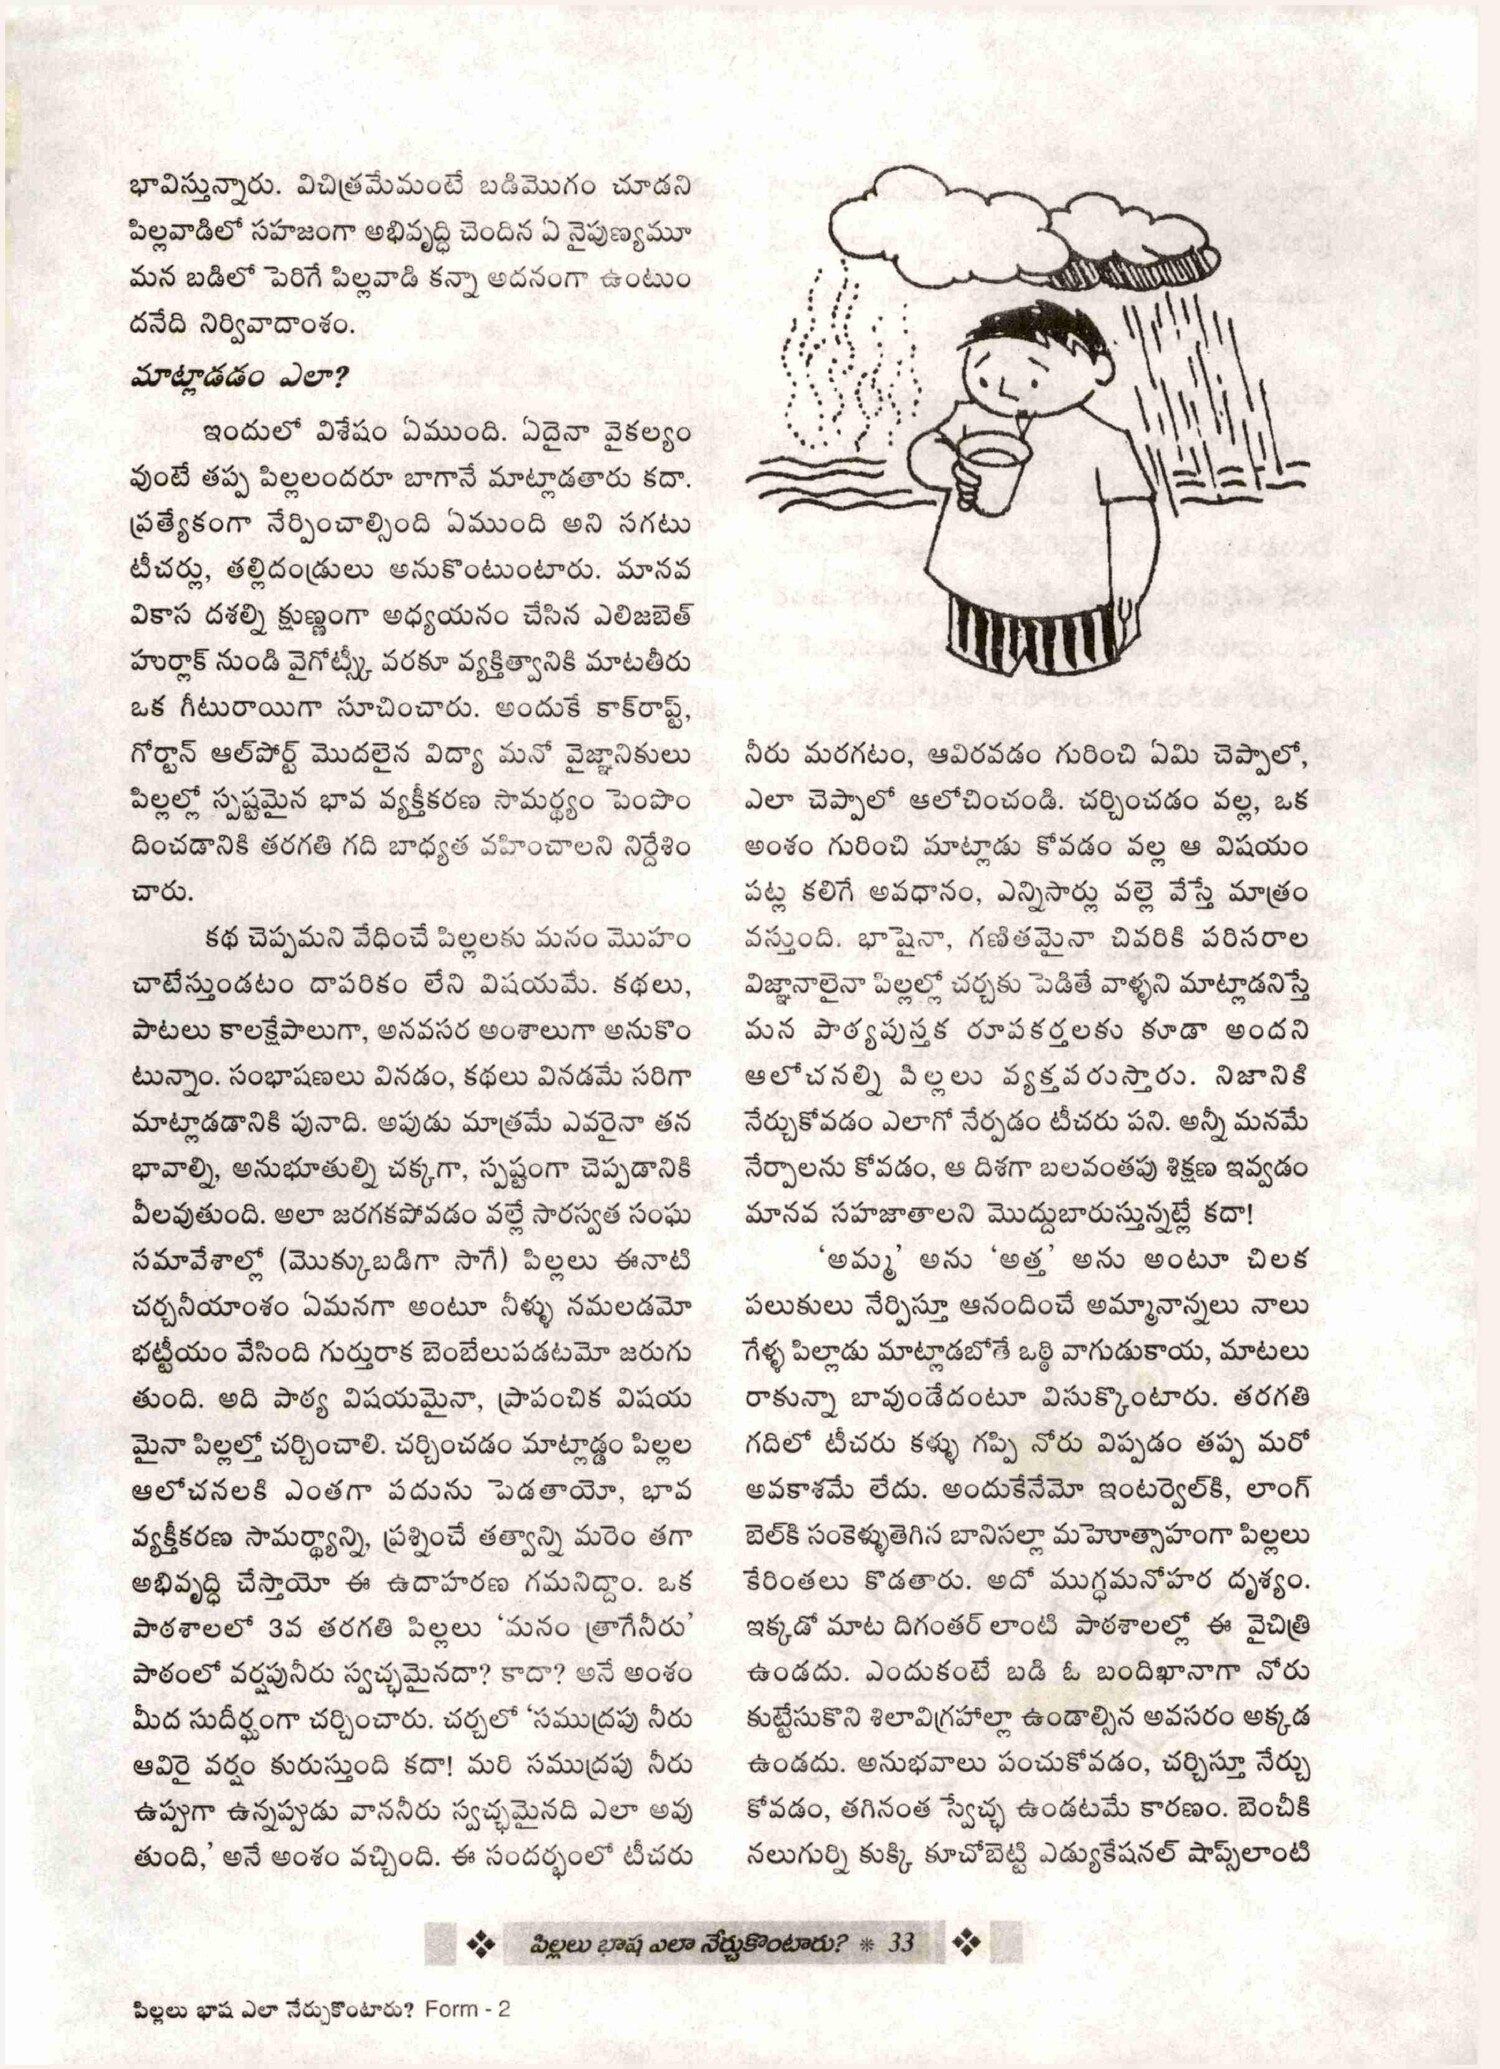భావిస్తున్నారు. విచిత్రమేమంటే బడిమొగం చూడని పిల్లవాడిలో సహజంగా అభివృద్ధి చెందిన ఏ నైపుణ్యమూ మన బడిలో పెరిగే పిల్లవాడి కన్నా అదనంగా ఉంటుం దనేది నిర్వివాదాంశం.

'మాట్లాడడం ఎలా?

ఇందులో విశేషం ఏముంది. ఏదైనా వైకల్యం వుంటే తప్ప పిల్లలందరూ బాగానే మాట్లాడతారు కదా. ప్రత్యేకంగా నేర్పించాల్సింది ఏముంది అని సగటు టీచర్లు, తల్లిదండ్రులు అనుకొంటుంటారు. మానవ వికాస దశల్ని క్షుణ్ణంగా అధ్యయనం చేసిన ఎలిజబెత్ హుర్లాక్ నుండి వైగోట్స్కీ వరకూ వ్యక్తిత్వానికి మాటతీరు ఒక గీటురాయిగా సూచించారు. అందుకే కాక్‌రాప్ట్, గోర్టాన్ ఆల్‌పోర్ట్ మొదలైన విద్యా మనో వైజ్ఞానికులు పిల్లల్లో స్పష్టమైన భావ వ్యక్తీకరణ సామర్థ్యం పెంపొందించడానికి తరగతి గది బాధ్యత వహించాలని నిర్దేశించారు.

కథ చెప్పమని వేధించే పిల్లలకు మనం మొహం చాటేస్తుండటం దాపరికం లేని విషయమే. కథలు, పాటలు కాలక్షేపాలుగా, అనవసర అంశాలుగా అనుకొంటున్నాం. సంభాషణలు వినడం, కథలు వినడమే సరిగా మాట్లాడడానికి పునాది. అపుడు మాత్రమే ఎవరైనా తన భావాల్ని, అనుభూతుల్ని చక్కగా, స్పష్టంగా చెప్పడానికి
వీలవుతుంది. అలా జరగకపోవడం వల్లే సారస్వత సంఘ సమావేశాల్లో (మొక్కుబడిగా సాగే) పిల్లలు ఈనాటి
చర్చనీయాంశం ఏమనగా అంటూ నీళ్ళు నమలడమో భట్టీయం వేసింది గుర్తురాక బెంబేలుపడటమో జరుగుతుంది. అది పాఠ్య విషయమైనా, ప్రాపంచిక విషయమైనా పిల్లల్తో చర్చించాలి. చర్చించడం మాట్లాడ్డం పిల్లల
ఆలోచనలకి ఎంతగా పదును పెడతాయో, భావ వ్యక్తీకరణ సామర్థ్యాన్ని, ప్రశ్నించే తత్వాన్ని మరెం తగా అభివృద్ధి చేస్తాయో ఈ ఉదాహరణ గమనిద్దాం. ఒక పాఠశాలలో 3వ తరగతి పిల్లలు 'మనం త్రాగేనీరు' పాఠంలో వర్షపునీరు స్వచ్ఛమైనదా? కాదా? అనే అంశం మీద సుదీర్ఘంగా చర్చించారు. చర్చలో 'సముద్రపు నీరు ఆవిరై వర్షం కురుస్తుంది కదా! మరి సముద్రపు నీరు ఉప్పుగా ఉన్నప్పుడు వాననీరు స్వచ్ఛమైనది ఎలా అవుతుంది,' అనే అంశం వచ్చింది. ఈ సందర్భంలో టీచరు నీరు మరగటం, ఆవిరవడం గురించి ఏమి చెప్పాలో, ఎలా చెప్పాలో ఆలోచించండి. చర్చించడం వల్ల, ఒక అంశం గురించి మాట్లాడు కోవడం వల్ల ఆ విషయం పట్ల కలిగే అవధానం, ఎన్నిసార్లు వల్లె వేస్తే మాత్రం వస్తుంది. భాషైనా, గణితమైనా చివరికి పరిసరాల విజ్ఞానాలైనా పిల్లల్లో చర్చకు పెడితే వాళ్ళని మాట్లాడనిస్తే మన పాఠ్యపుస్తక రూపకర్తలకు కూడా అందని ఆలోచనల్ని పిల్లలు వ్యక్తపరుస్తారు. నిజానికి
నేర్చుకోవడం ఎలాగో నేర్పడం టీచరు పని. అన్నీ మనమే నేర్పాలను కోవడం, ఆ దిశగా బలవంతపు శిక్షణ ఇవ్వడం
మానవ సహజాతాలని మొద్దుబారుస్తున్నట్లే కదా!

'అమ్మ' 'అను 'అత్త' అను అంటూ చిలకపలుకులు నేర్పిస్తూ ఆనందించే అమ్మానాన్నలు నాలుగేళ్ళ పిల్లాడు మాట్లాడబోతే ఒఠ్ఠి వాగుడుకాయ, మాటలు రాకున్నా బావుండేదంటూ విసుక్కొంటారు. తరగతి గదిలో టీచరు కళ్ళు గప్పి నోరు విప్పడం తప్ప మరో అవకాశమే లేదు. అందుకేనేమో ఇంటర్వెల్‌కి లాంగ్ బెల్‌కి సంకెళ్ళుతెగిన బానిసల్లా మహెూత్సాహంగా పిల్లలు కేరింతలు కొడతారు. అదో ముగ్ధమనోహర దృశ్యం. ఇక్కడో మాట దిగంతర్ లాంటి పాఠశాలల్లో ఈ వైచిత్రి ఉండదు. ఎందుకంటే బడి ఓ బందిఖానాగా నోరు కుట్టేసుకొని శిలావిగ్రహాల్లా ఉండాల్సిన అవసరం అక్కడ ఉండదు. అనుభవాలు పంచుకోవడం, చర్చిస్తూ నేర్చుకోవడం, తగినంత స్వేచ్ఛ ఉండటమే కారణం. బెంచీకి నలుగుర్ని కుక్కి కూచోబెట్టి ఎడ్యుకేషనల్ షాప్స్‌లాంటి